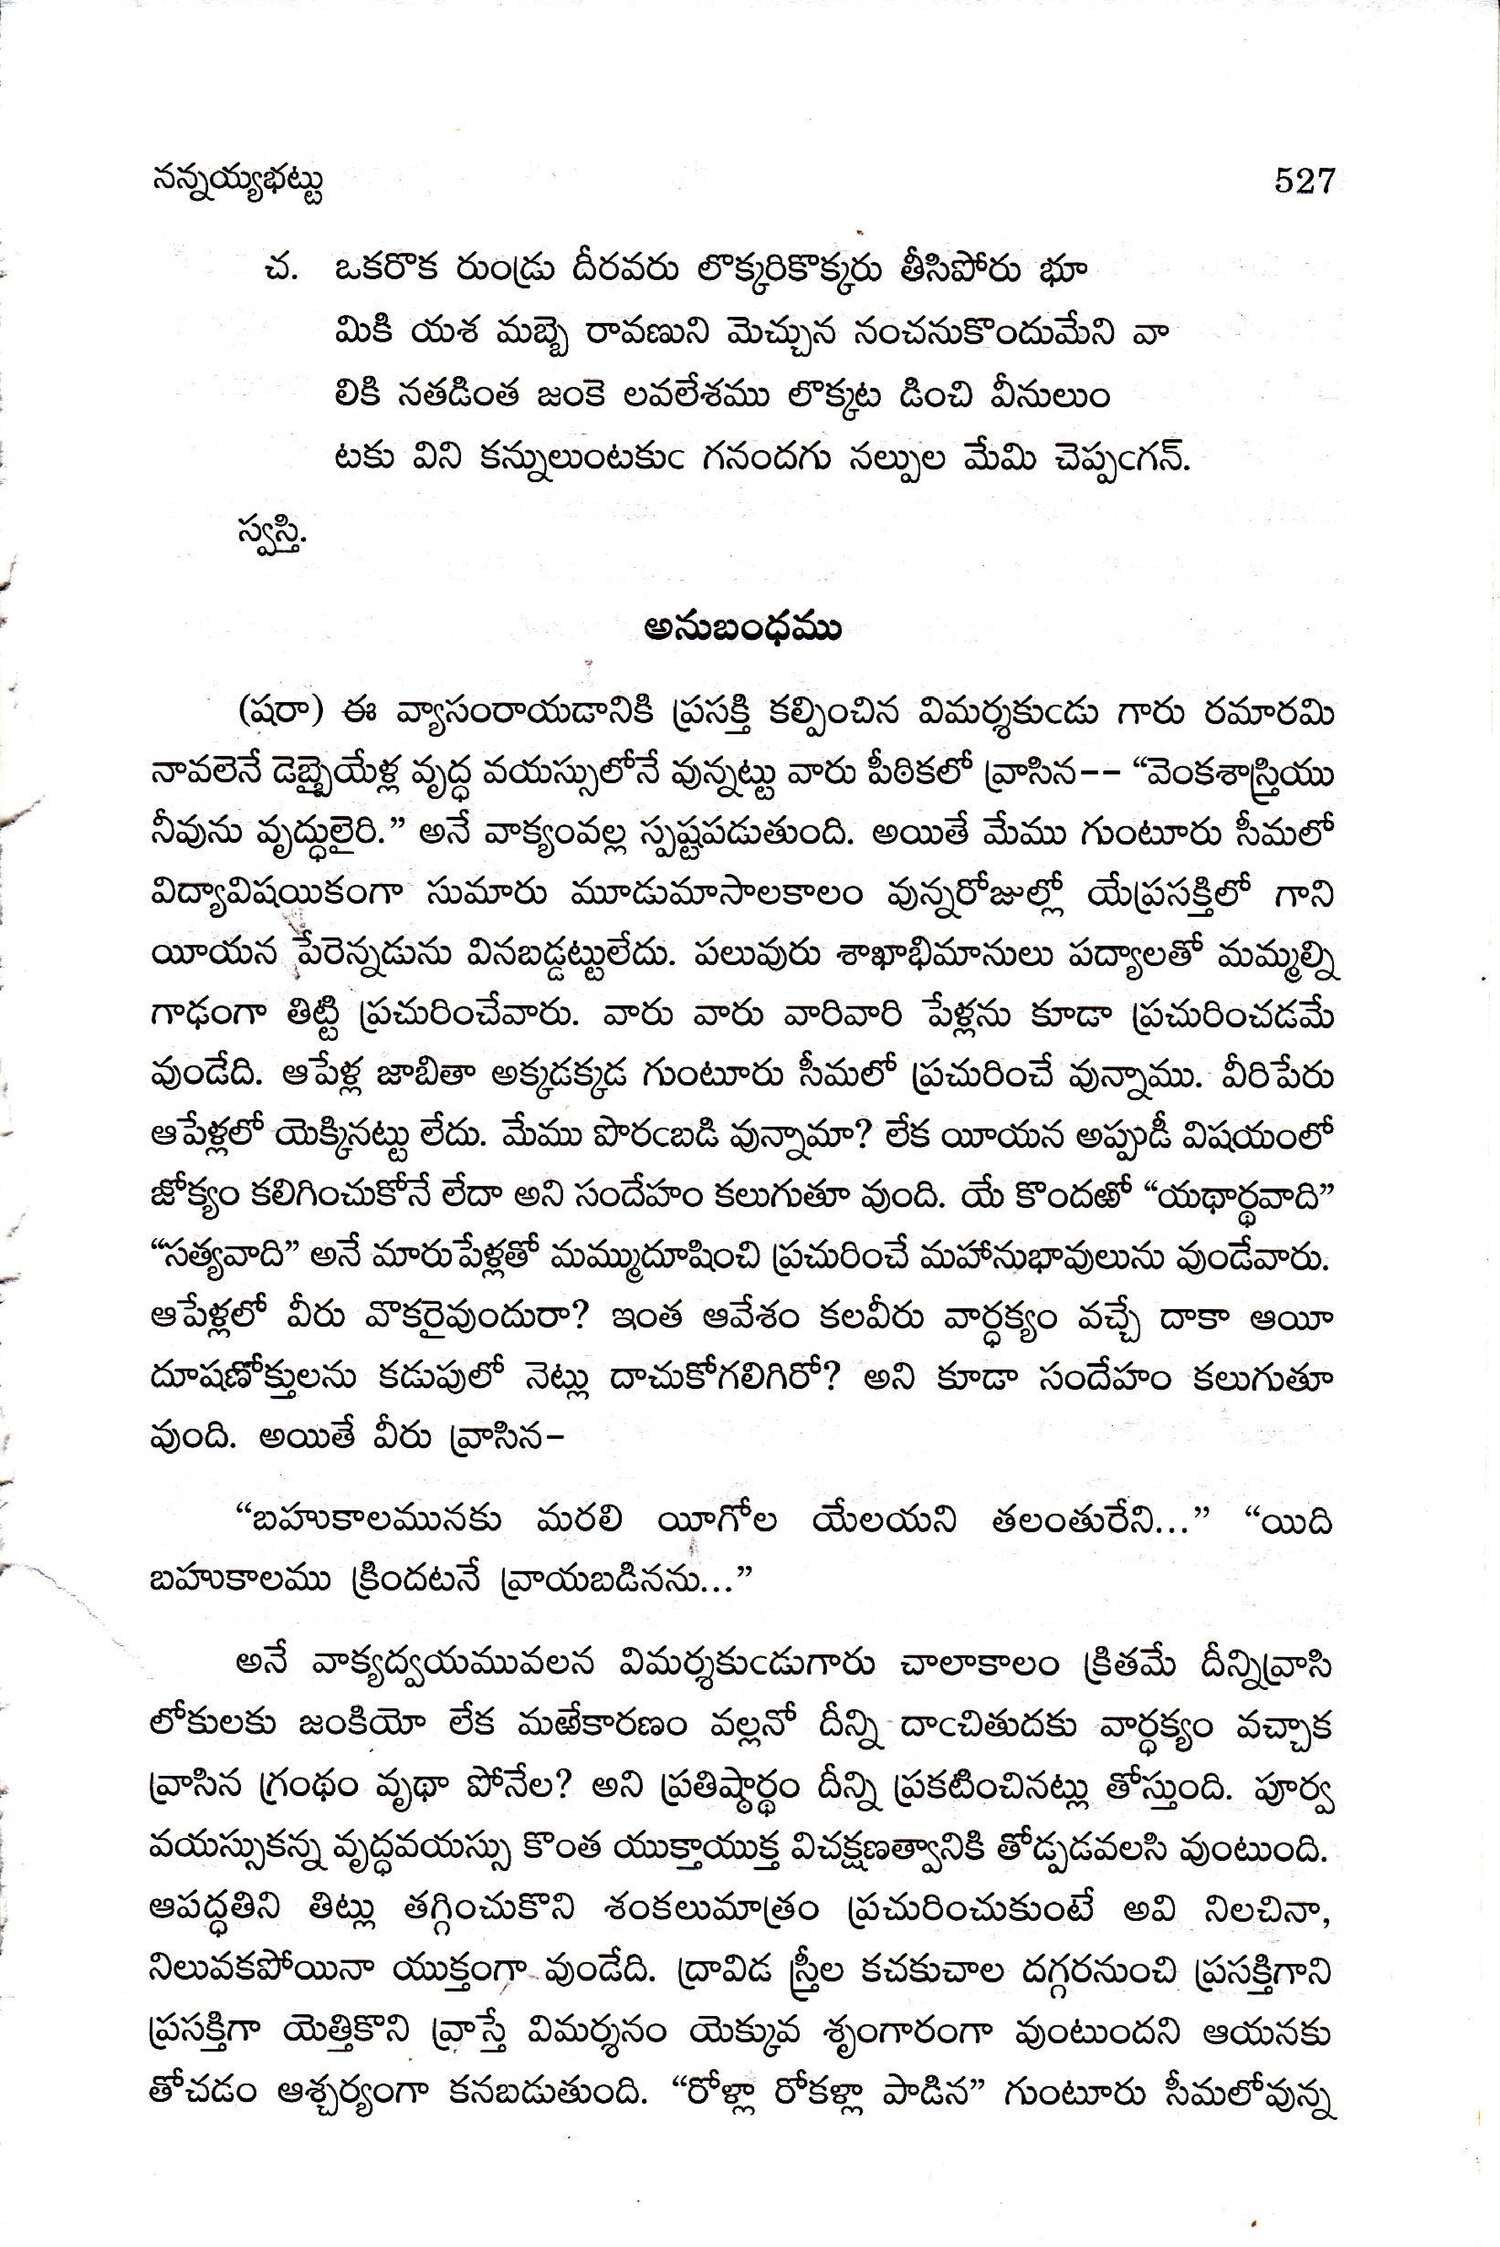చ. ఒకరొక రుండ్రు దీరవరు లొక్కరికొక్కరు తీసిపోరు భూ
 మికి యశ మబ్బె రావణుని మెచ్చున నంచనుకొందుమేని వా 
 లికి నతడింత జంకె లవలేశము లొక్కట డించి వీనులుం 
 టకు విని కన్నులుంటకుఁ గనందగు నల్పుల మేమి చెప్పఁగన్.
స్వస్తి.

(షరా) ఈ వ్యాసంరాయడానికి ప్రసక్తి కల్పించిన విమర్శకుఁడు గారు రమారమి నావలెనే డెబ్ఫైయేళ్ల వృద్ధ వయస్సులోనే వున్నట్టు వారు పీఠికలో వ్రాసిన-- "వెంకశాస్త్రియు నీవును వృద్దులైరి." అనే వాక్యంవల్ల స్పష్టపడుతుంది. అయితే మేము గుంటూరు సీమలో విద్యావిషయికంగా సుమారు మూడుమాసాలకాలం వున్నరోజుల్లో యేప్రసక్తిలో గాని యీయన పేరెన్నడును వినబడ్డట్టులేదు. పలువురు శాఖాభిమానులు పద్యాలతో మమ్మల్ని గాఢంగా తిట్టి ప్రచురించేవారు. వారు వారు వారివారి పేళ్లను కూడా ప్రచురించడమే వుండేది. ఆపేళ్ల జాబితా అక్కడక్కడ గుంటూరు సీమలో ప్రచురించే వున్నాము. వీరిపేరు ఆపేళ్లలో యెక్కినట్టు లేదు. మేము పొరఁబడి వున్నామా? లేక యీయన అప్పుడీ విషయంలో జోక్యం కలిగించుకోనే లేదా అని సందేహం కలుగుతూ వుంది. యే కొందఱో "యథార్థవాది" “సత్యవాది" అనే మారుపేళ్లతో మమ్ముదూషించి ప్రచురించే మహానుభావులును వుండేవారు. ఆపేళ్లలో వీరు వొకరైవుందురా? ఇంత ఆవేశం కలవీరు వార్ధక్యం వచ్చే దాకా ఆయీ దూషణోక్తులను కడుపులో నెట్లు దాచుకోగలిగిరో? అని కూడా సందేహం కలుగుతూ వుంది. అయితే వీరు వ్రాసిన- -

“బహుకాలమునకు మరలి యీగోల యేలయని తలంతురేని...” “యిది బహుకాలము క్రిందటనే వ్రాయబడినను..."

అనే వాక్యద్వయమువలన విమర్శకుఁడుగారు చాలాకాలం క్రితమే దీన్నివ్రాసి లోకులకు జంకియో లేక మఱేకారణం వల్లనో దీన్ని దాఁచితుదకు వార్ణక్యం వచ్చాక వ్రాసిన గ్రంథం వృథా పోనేల? అని ప్రతిష్ఠార్థం దీన్ని ప్రకటించినట్లు తోస్తుంది. పూర్వ వయస్సుకన్న వృద్ధవయస్సు కొంత యుక్తాయుక్త విచక్షణత్వానికి తోడ్పడవలసి వుంటుంది. ఆపద్ధతిని తిట్లు తగ్గించుకొని శంకలుమాత్రం ప్రచురించుకుంటే అవి నిలచినా, నిలువకపోయినా యుక్తంగా వుండేది. ద్రావిడ స్త్రీల కచకుచాల దగ్గరనుంచి ప్రసక్తిగాని ప్రసక్తిగా యెత్తికొని వ్రాస్తే విమర్శనం యెక్కువ శృంగారంగా వుంటుందని ఆయనకు తోచడం ఆశ్చర్యంగా కనబడుతుంది. “రోళ్లా రోకళ్లా పాడిన" గుంటూరు సీమలోవున్న